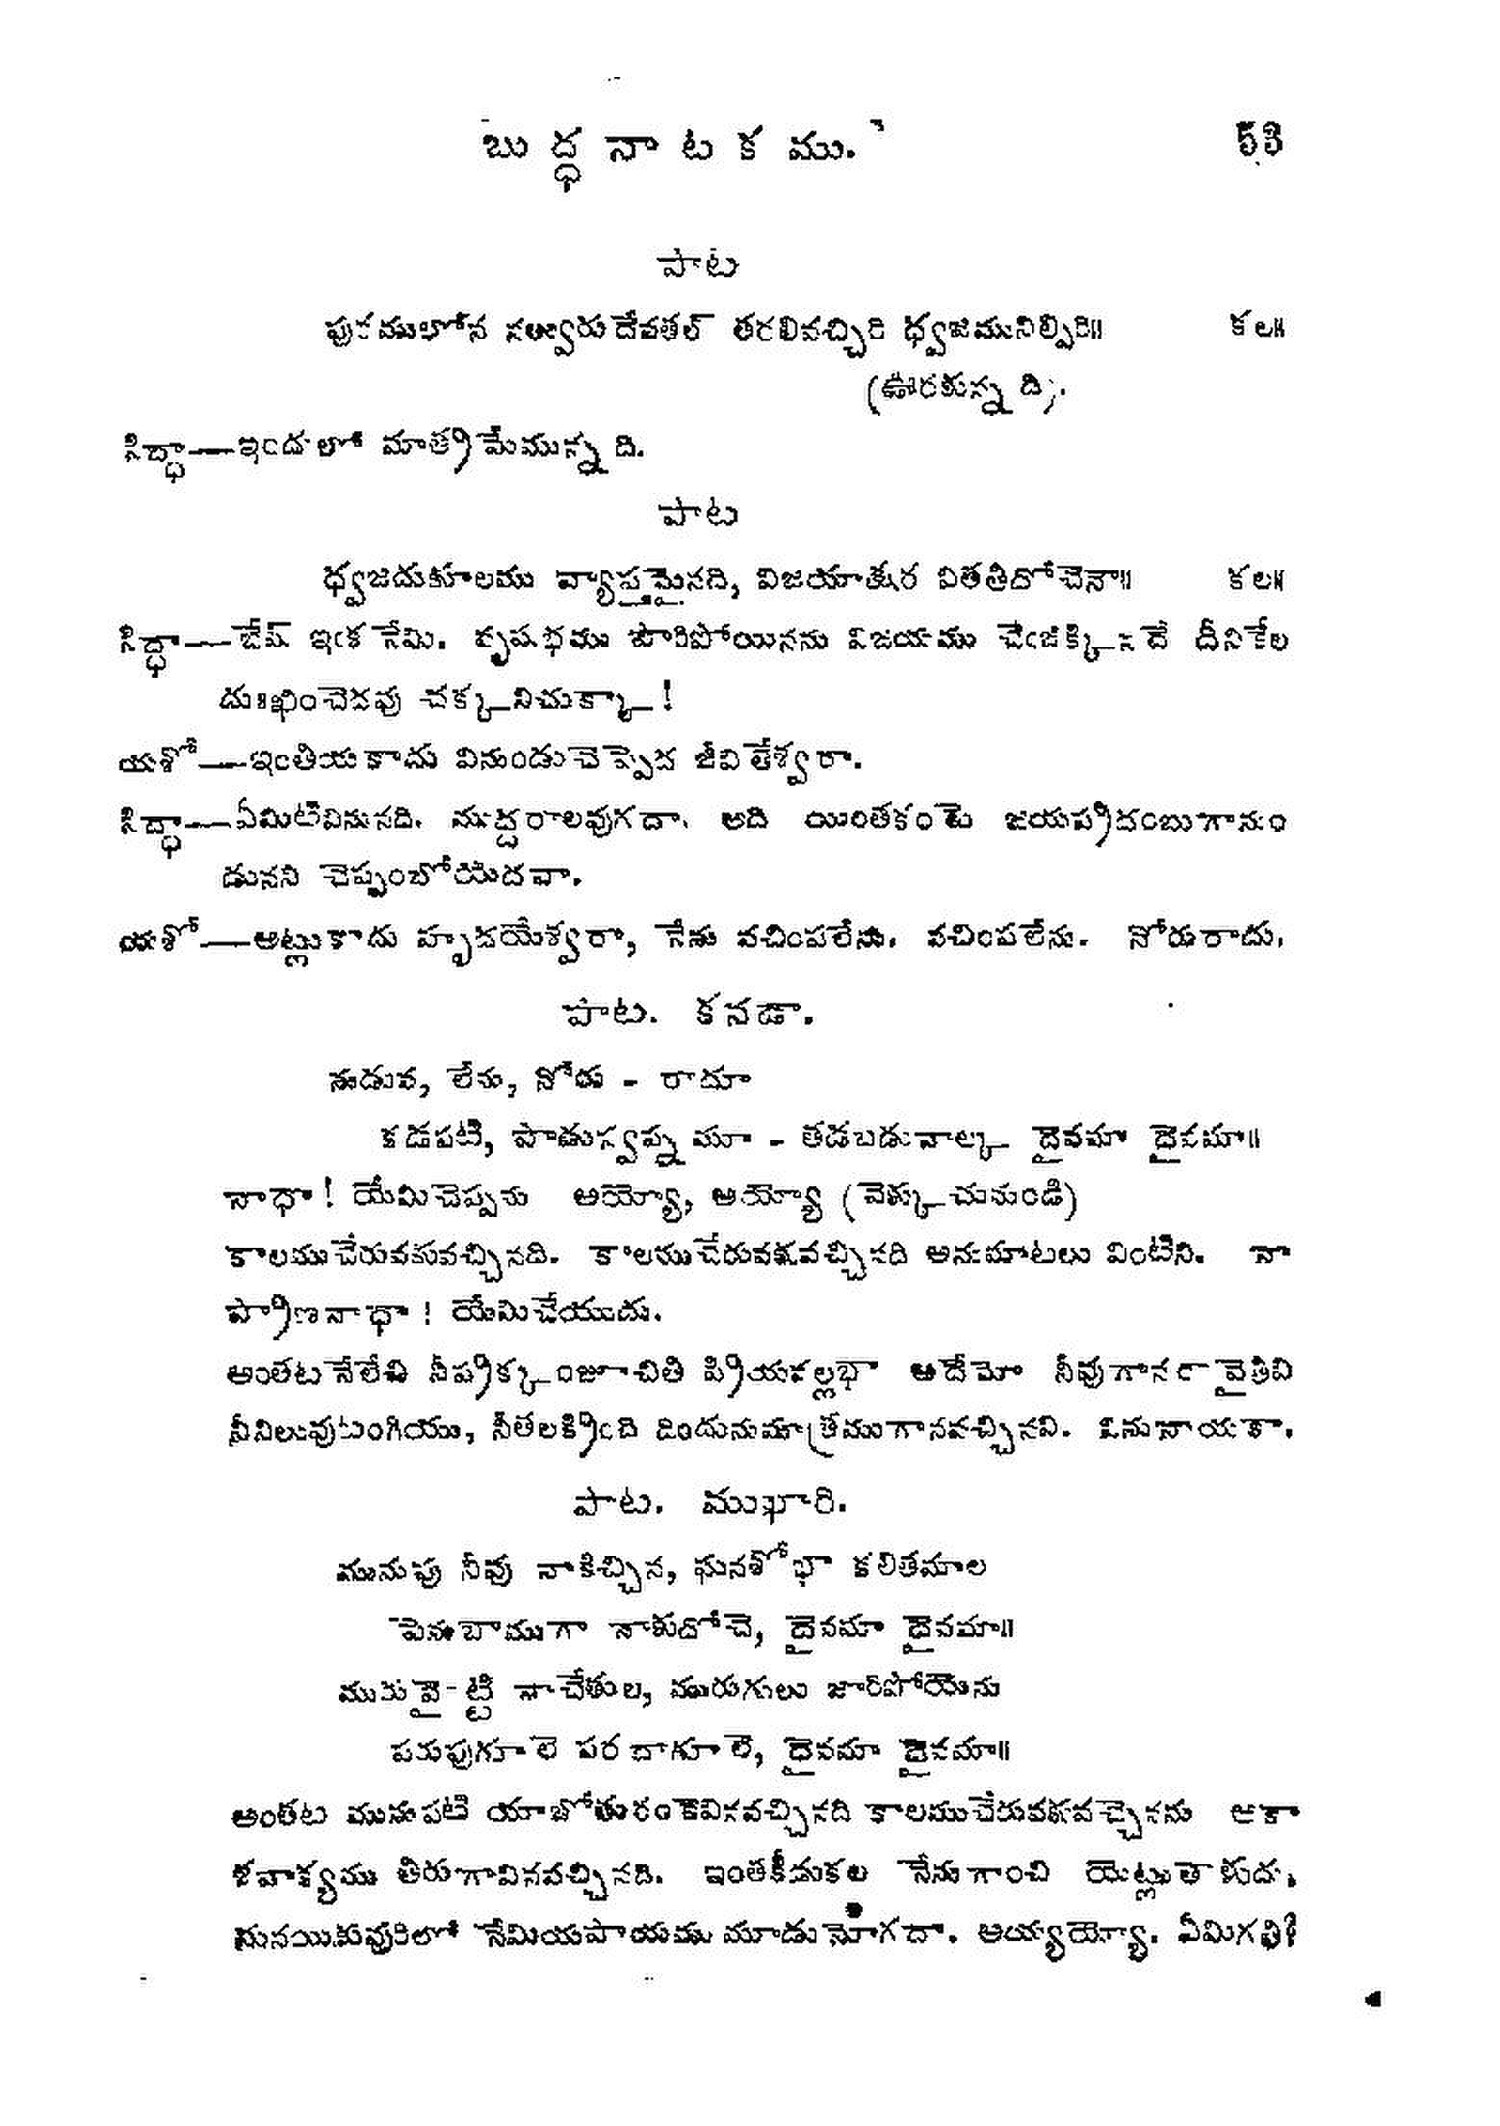పురములోన నల్వురుదేవతల్ తరలివచ్చిరి ధ్వజమునిల్పిరి ॥కల॥  
 

సిద్దా - ఇందులో మాత్రమేమేమున్నది.

ధ్వజదుకూలము వ్యాప్తమైనది. విజయాక్షర వితతిదోచెనౌ ॥కల॥ 

సిద్ధా — బేష్ ఇఁక నేమి. వృషభము పారిపోయినను విజయము చేఁజిక్కినదే దీనికేల దుఃఖించెనపు చక్కనిచుక్కా!

యశో - ఇంతీయకాదు వినుండుచెప్పెద జీవితేశ్వరా.

సిద్ధా - ఏమిటివినునది. ముద్దరాలవుగదా. అది యింతకంటె జయప్రదంబుగానుండునని చెప్పంబోయెదవా.

యశో — అట్లుకాదు హృదయేశ్వరా, నేను వచింపలేను. వచింపలేను. నోరురాదు.

నుడువ, లేను, నోరు - రాదూ
కడపటి, పాడుస్వప్నమూ - తడబడునాల్క దైవమా దైవమా॥
నాధా! యేమి చెప్పను అయ్యో, అయ్యో (వెళ్ళుచునుండి)
కాలముచేరువకువచ్చినది. కాలముచేరువకవచ్చినది అనుమాటలు వింటిని.
ప్రాణనాధా! యేమిచేయుదు.
అంతటనేలేచి నీప్రక్కంజూచితి ప్రియవల్లభా అదేమో నీవుగానరావైతివి 
నీనిలువుటంగియు, నీతలక్రీంది దిండునుమాత్రముగానవచ్చినవి. వినునాయకా. 

మునుపు నీవు నాకిచ్చిన, మనశోభా కలితమాల
పెనుబాముగా నాకుదోచె, దైవమా దైవమా॥
ముదువైనట్టి నాచేతుల, మురుగులు జారిపోయెను
పరుపుగూలె పరదాగూలె, దైవమా దైవమా॥

అంతట మునుపటి యాజోతురం కెవినవచ్చినది కాలము చేరువకవచ్చెనను ఆకాశవాక్యము తిరుగావినవచ్చినది. 
ఇంతకీడుకల నేనుగాంచి యెట్లు తాళుదు. మననయికువురిలో నేమియపాయము మూడుమోగదా. అయ్యయ్యో. ఏమిగతి?